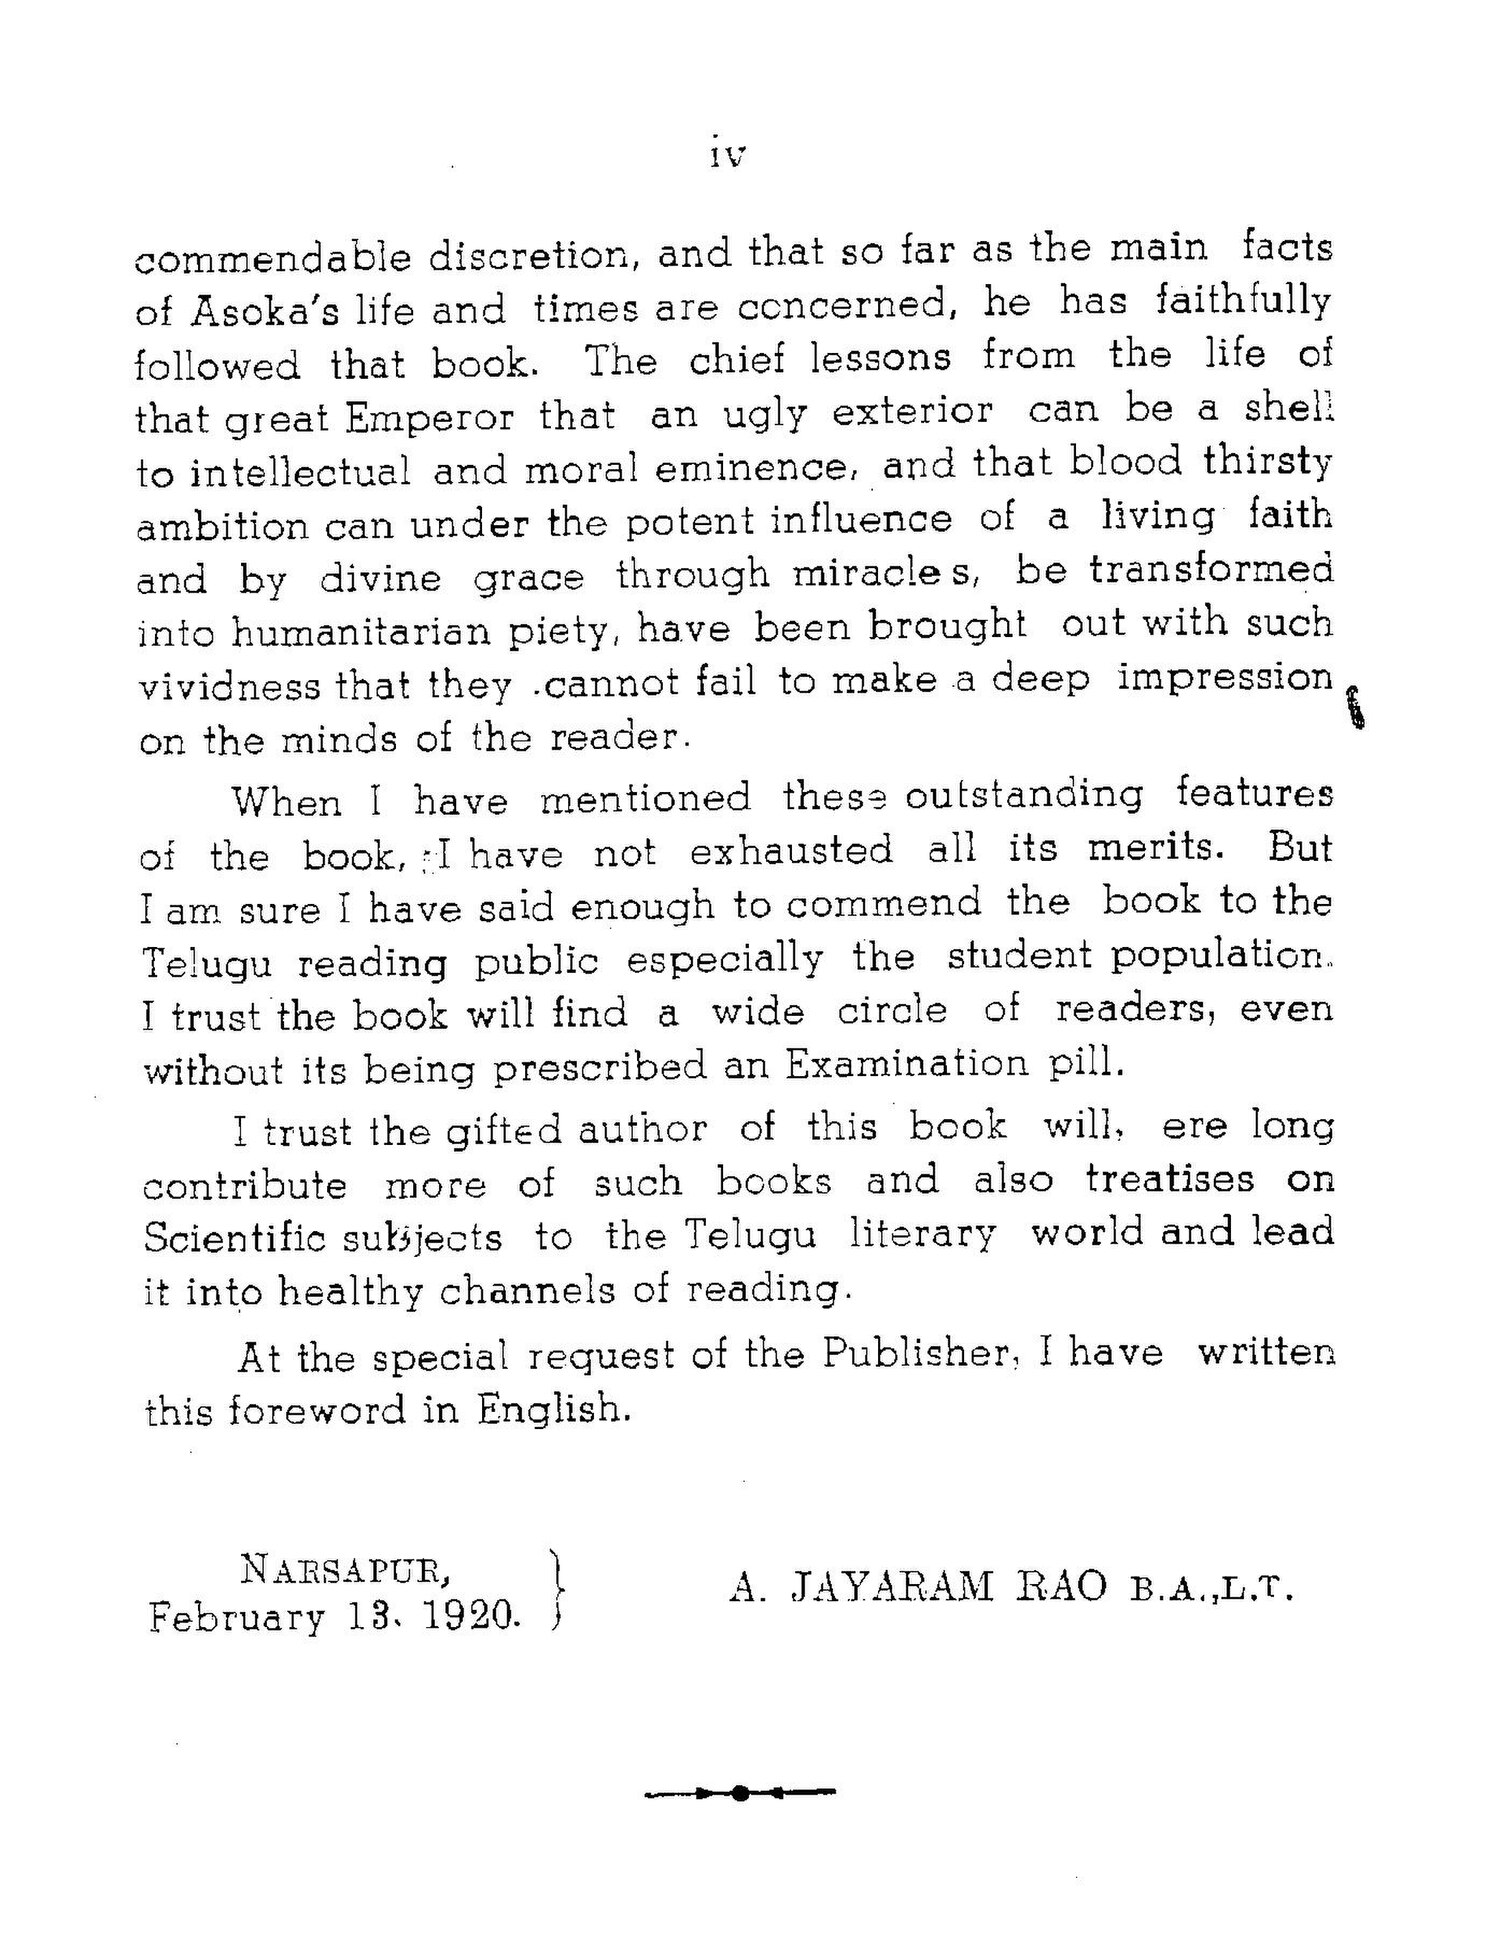commendable discretion, and that so far as the main facts of Asoka's life and times are concerned, he has faithfully followed that book. The chief lessons from the life of that great Emperor that an ugly exterior can be a shell to intellectual and moral eminence, and that blood thirsty ambition can under the potent influence of a living faith and by divine grace through miracles, be transformed into humanitarian piety, have been brought out with such vividness that they cannot fail to make a deep impression on the minds of the reader.

When I have mentioned these outstanding features of the book, I have not exhausted all its merits. But I am sure I have said enough to commend the book to the Telugu reading public especially the student population. I trust the book will find a wide circle of readers, even without its being prescribed an Examination pill.

I trust the gifted author of this book will, ere long contribute more of such books and also treatises on Scientific subjects to the Telugu literary world and lead it into healthy channels of reading.

At the special request of the Publisher, I have written this foreword in English.